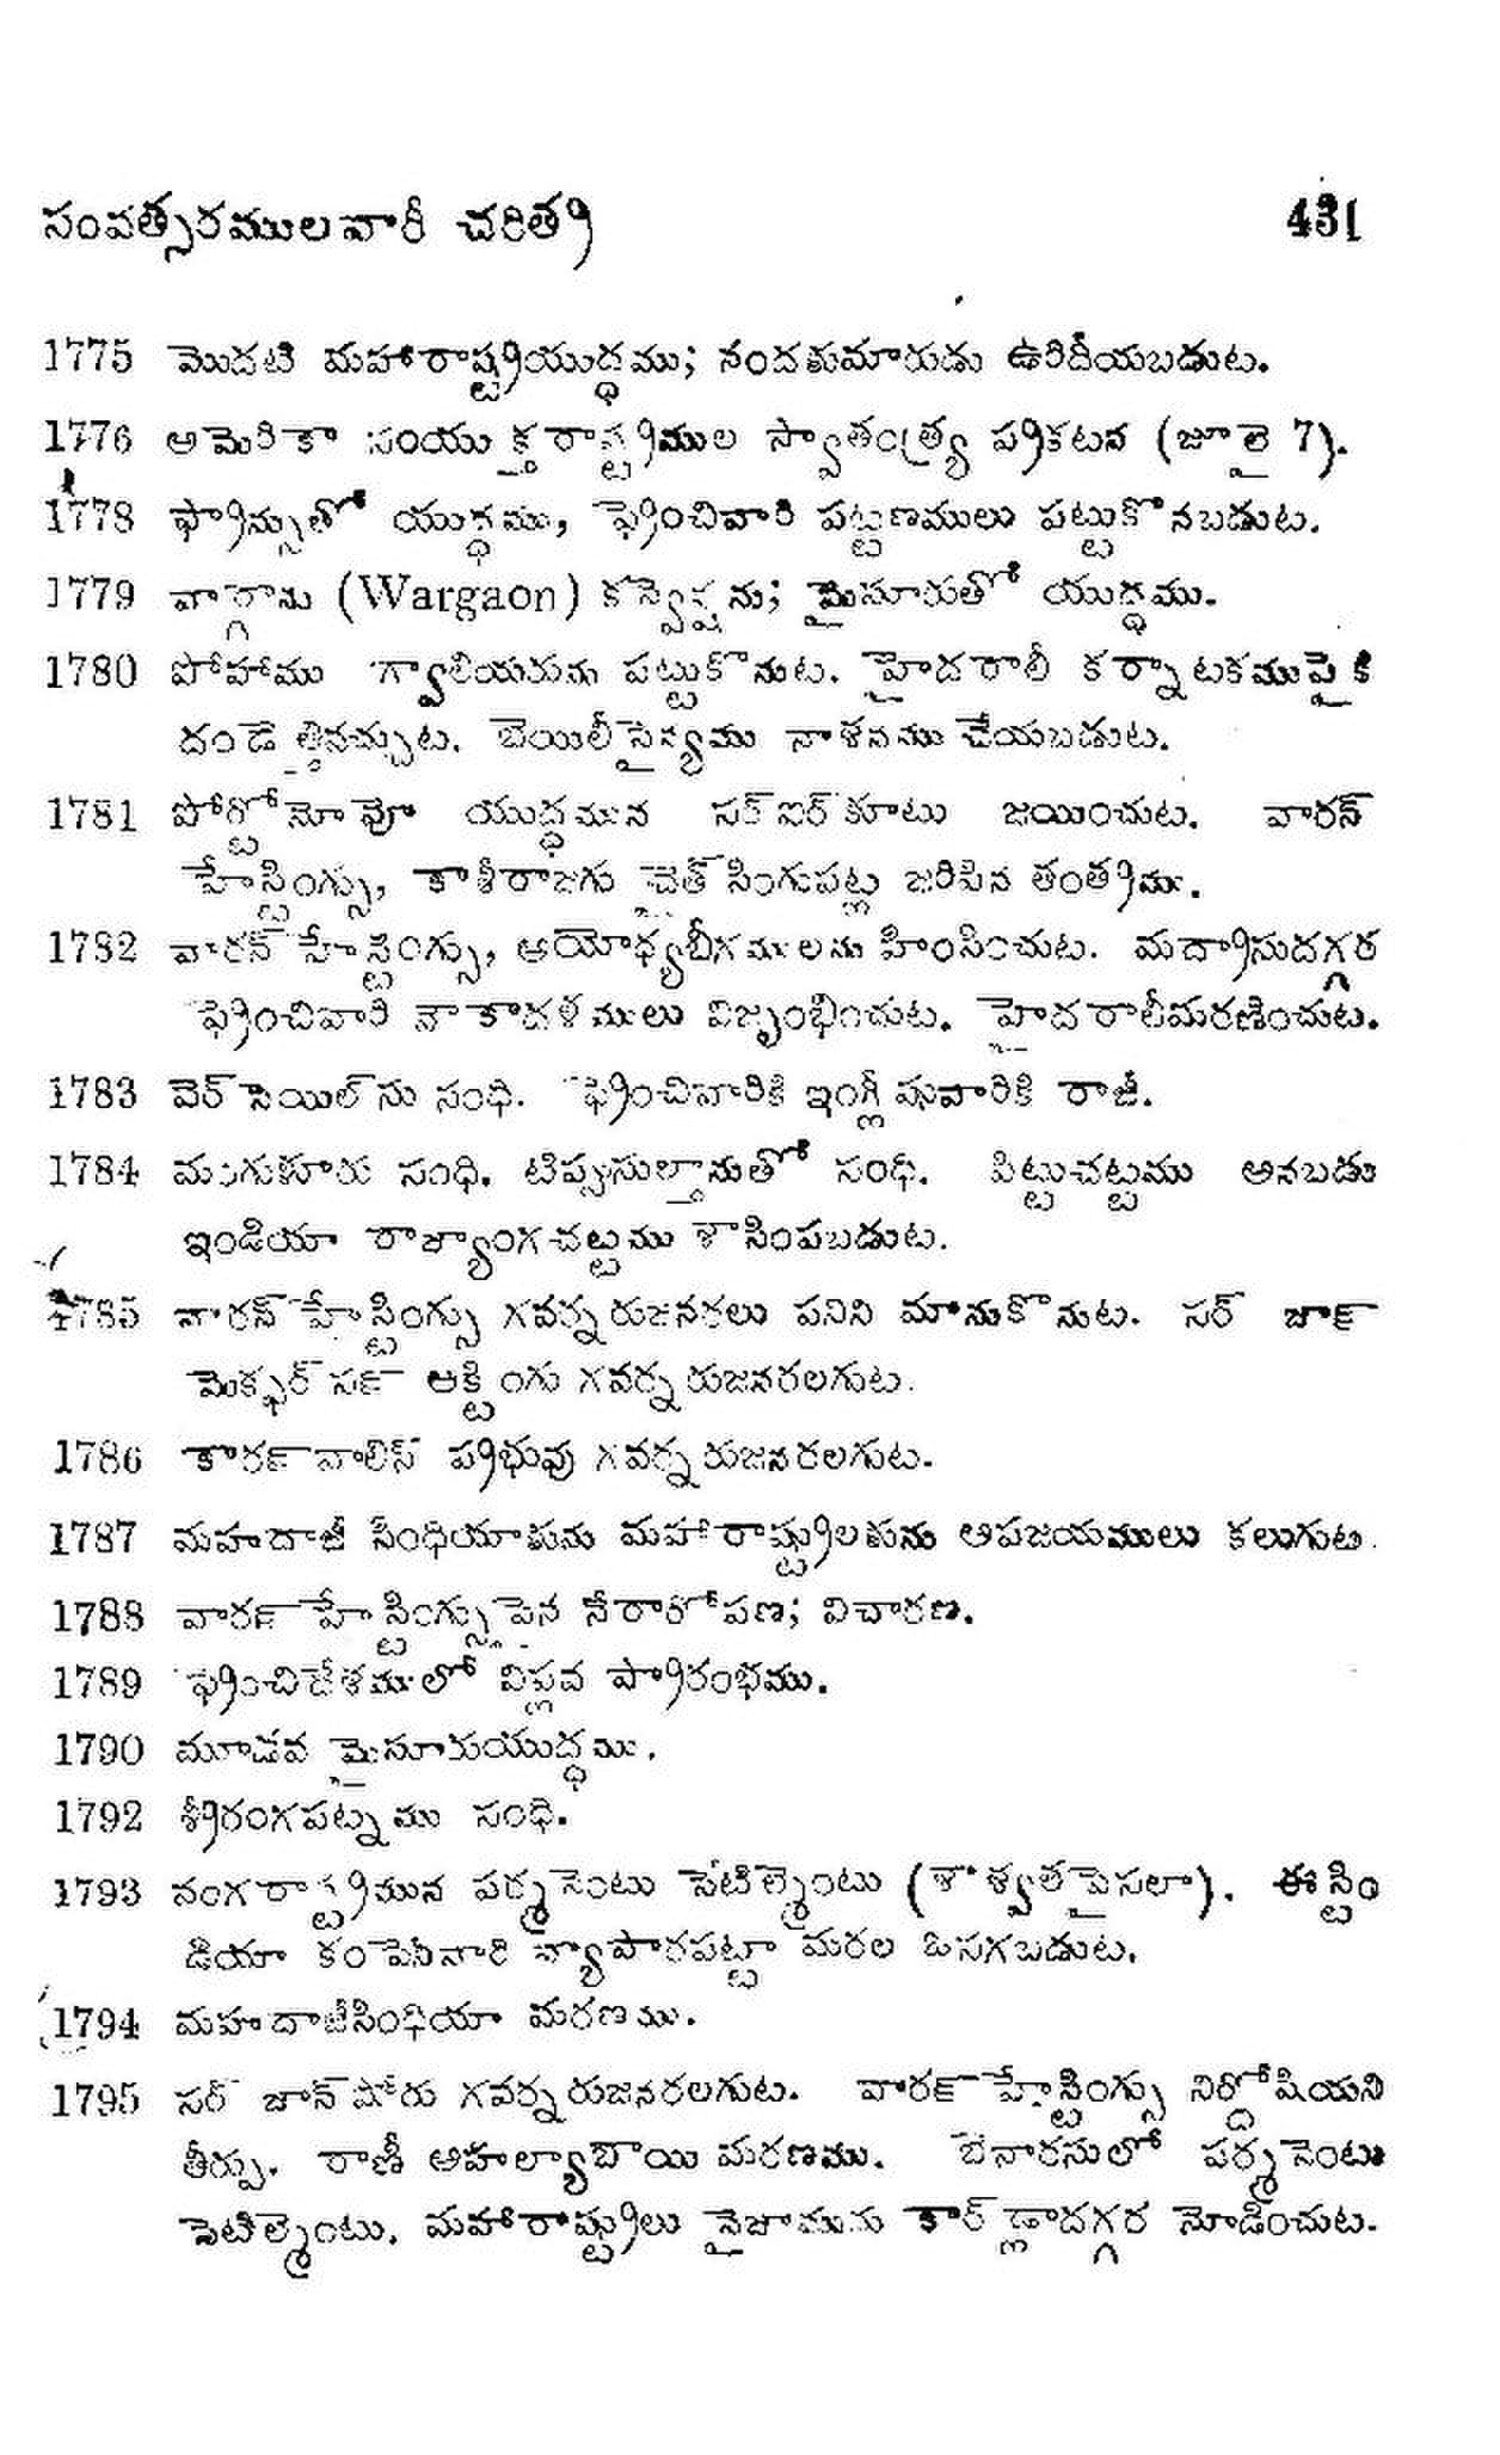1775 మొదటి మహారాష్ట్రయుద్ధము; నందకుమారుడు ఊరిదీయబడుట. 

1776 అమెరికా సంయుక్తరాష్ట్రముల స్వాతంత్ర్య ప్రకటన (జూలై 7). 

1778 ఫ్రాన్సుతో యుధ్ధము, ఫ్రెంచివారి పట్టణములు పట్టుకొనబడుట. 

1779 వార్గాను (Wargaon) కన్వెన్షను; మైసూరుతో యుధ్ధము. 

1780 పోహాము గ్వాలియరును పట్టుకొనుట. హైదరాలీ కర్నాటకముపైకి దండెత్తివచ్చుట. బెయిలీసైన్యము నాశనము చేయబడుట. 

1781 పోర్టోనోవో యుద్ధమున సర్ ఐర్ కూటు జయించుట. వారన్ హేస్టింగ్సు, కాశీరాజగు చైత్ సింగుపట్ల జరిపిన తంత్రము. 

1782 వారన్ హేస్టింగ్సు, ఆయోధ్యబీగములను హింసించుట. మద్రాసుదగ్గర ఫ్రెంచివారి నౌకాదళములు విజృంభించుట. హైదరాలీ మరణించుట. 

1783 వెర్ సెయిల్ సు సంధి. ఫ్రెంచివారికి ఇంగ్లీషువారికి రాజీ. 

1784 మంగుళూరు సంధి. టిప్పుసుల్తానుతో సంధి. పిట్టుచట్టము అనబడు ఇండియా రాజ్యాంగ చట్టము శాసింపబడుట. 

1785 వారన్ హేస్టింగ్సు గవర్నరుజనరలు పనిని మానుకొనుట. సర్ జాన్ మెక్ఫర్ స౯ ఆక్టింగు గవర్నరుజనరలగుట. 

1786 కార౯ వాలిస్ ప్రభువు గవర్నరుజనరలగుట. 

1787 మహదాజీ సింధియాకును మహారాష్ట్రులకును అపజయములు కలుగుట. 

1788 వార౯ హేస్టింగ్సు పైన నేరారోపణ; విచారణ.

1789 ఫ్రెంచిదేశములో విప్లవ ప్రారంభము . 

1790 మూడవ మైసూరు యుద్ధము. 

1792 శ్రీరంగపట్నము సంధి.

1793 వంగరాష్ట్రమున పర్మనెంటు సెటిల్మెంటు (శాశ్వత పైసలా). ఈస్టిండియా కంపెనీవారి వ్యాపారపట్టా మరల ఒసగబడుట. 

1794 మహదాజీసింథియా మరణము . 

1795 సర్ జాన్‌షోరు గవర్నరుజనరలగుట. వార౯ హేస్టింగ్సు నిర్దోషియని తీర్పు. రాణీ అహల్యాబాయి మరణము. బెనారసులో పర్మనెంటు సెటిల్మెంటు, మహారాష్ట్రులు నైజామును కార్‌డ్లాదగ్గర నోడించుట.